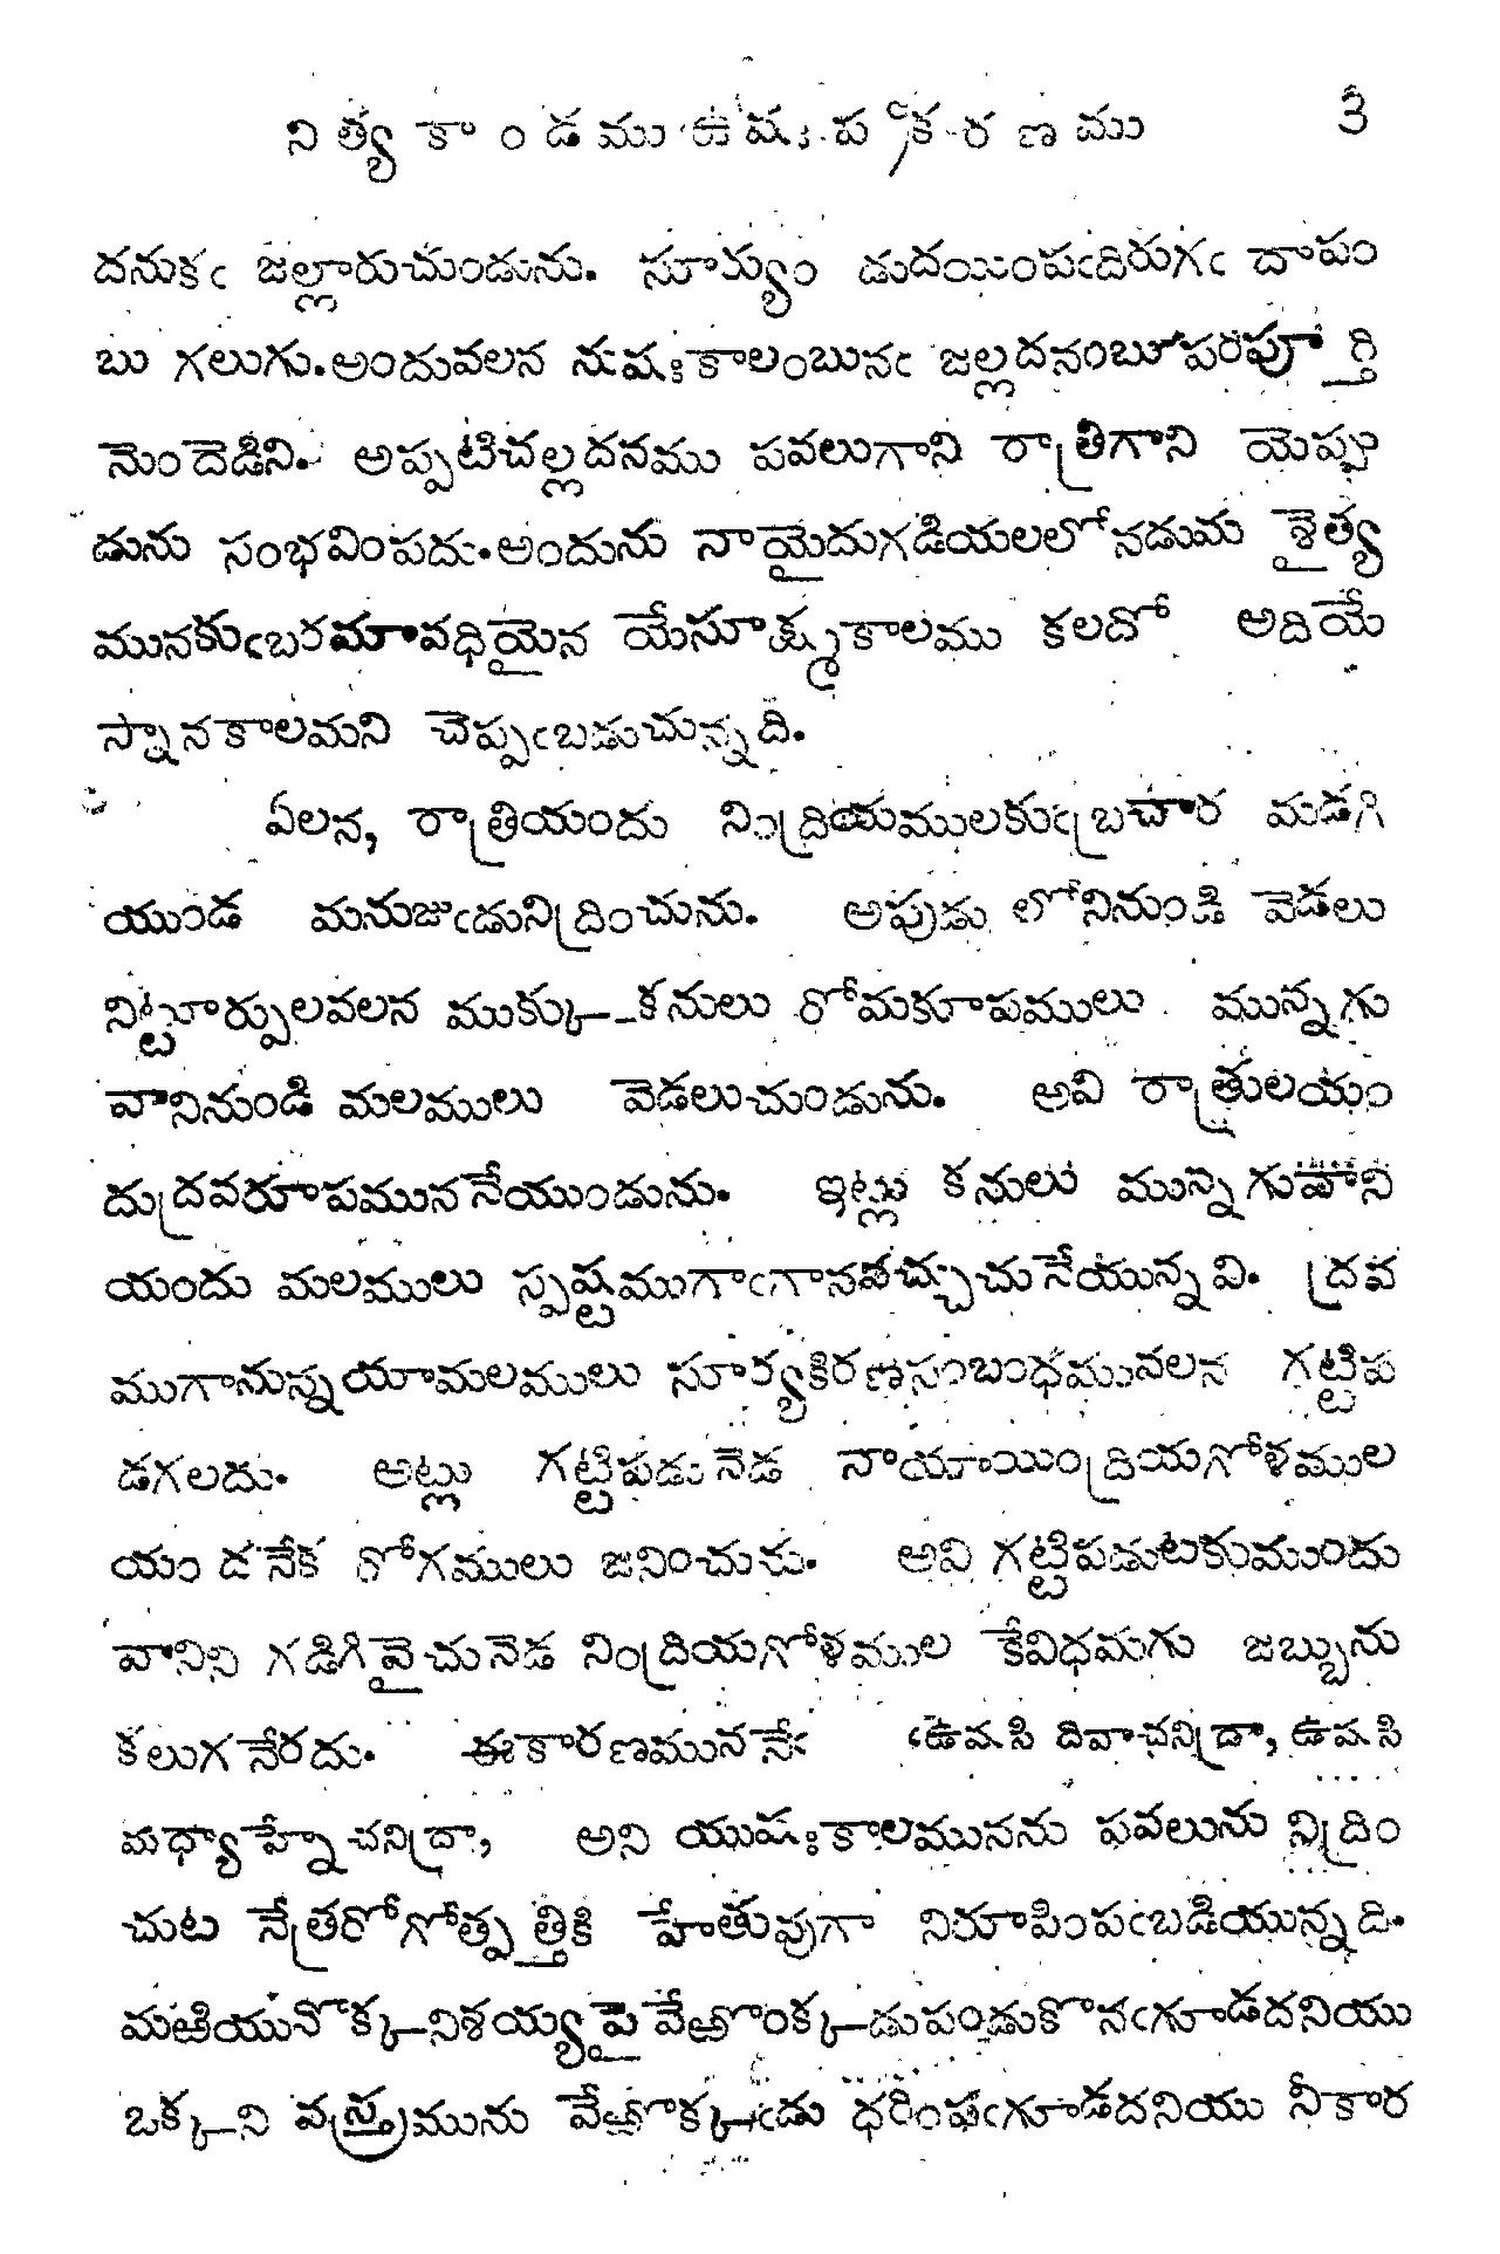దనుకఁ జల్లారుచుండును. సూర్యుం డుదయింపఁదిరుగఁ దాపంబు గలుగు. అందువలన నుషఃకాలంబునఁ జల్లదనంబు పరిపూర్తి నొందెడిని. అప్పటిచల్లదనము పవలుగాని రాత్రిగాని యెప్పుడును సంభవింపదు. అందును నాయైదుగడియలలో నడుమ శైత్యమునకుఁబరమావధియైన యేసూక్ష్మకాలము కలదో అదియే
స్నానకాలమని చెప్పఁబడుచున్నది.

ఏలన, రాత్రియందు నింద్రియములకుఁబ్రచార మడగి యుండ మనుజుఁడునిద్రించును. అపుడు లోనినుండి వెడలు నిట్టూర్పులవలన ముక్కు - కనులు రోమకూపములు మున్నగువానినుండి మలములు వెడలుచుండును. అవి రాత్రులయందుద్రవరూపముననేయుండును. ఇట్లు కనులు మున్నగువాని యందు మలములు స్పష్టముగాఁగానవచ్చుచునేయున్నవి. ద్రవముగానున్నయామలములు సూర్యకిరణసంబంధమువలన గట్టిపడగలదు. అట్లు గట్టిపడునెడ నాయాయింద్రియగోళముల యం దనేక రోగములు జనించును. అవి గట్టిపడుటకుముందు వానిని గడిగివైచునెడ నింద్రియగోళముల కేవిధమగు జబ్బును కలుగ నేరదు. ఈకారణముననేఁ ఉషసి దివాఛనిద్రా, ఉషసి మధ్యాహ్నేచనిద్రా, అని యుషఃకాలమునను పవలును నిద్రించుట నేత్రరోగోత్పత్తికి హేతువుగా నిరూపింపఁబడియున్నది. మఱియునొక్కనిశయ్యపై వేఱొంక్కడుపండుకొనఁగూడదనియు ఒక్కని వస్త్రమును వేఱొక్కఁడు ధరింపఁగూడదనియు నీకార